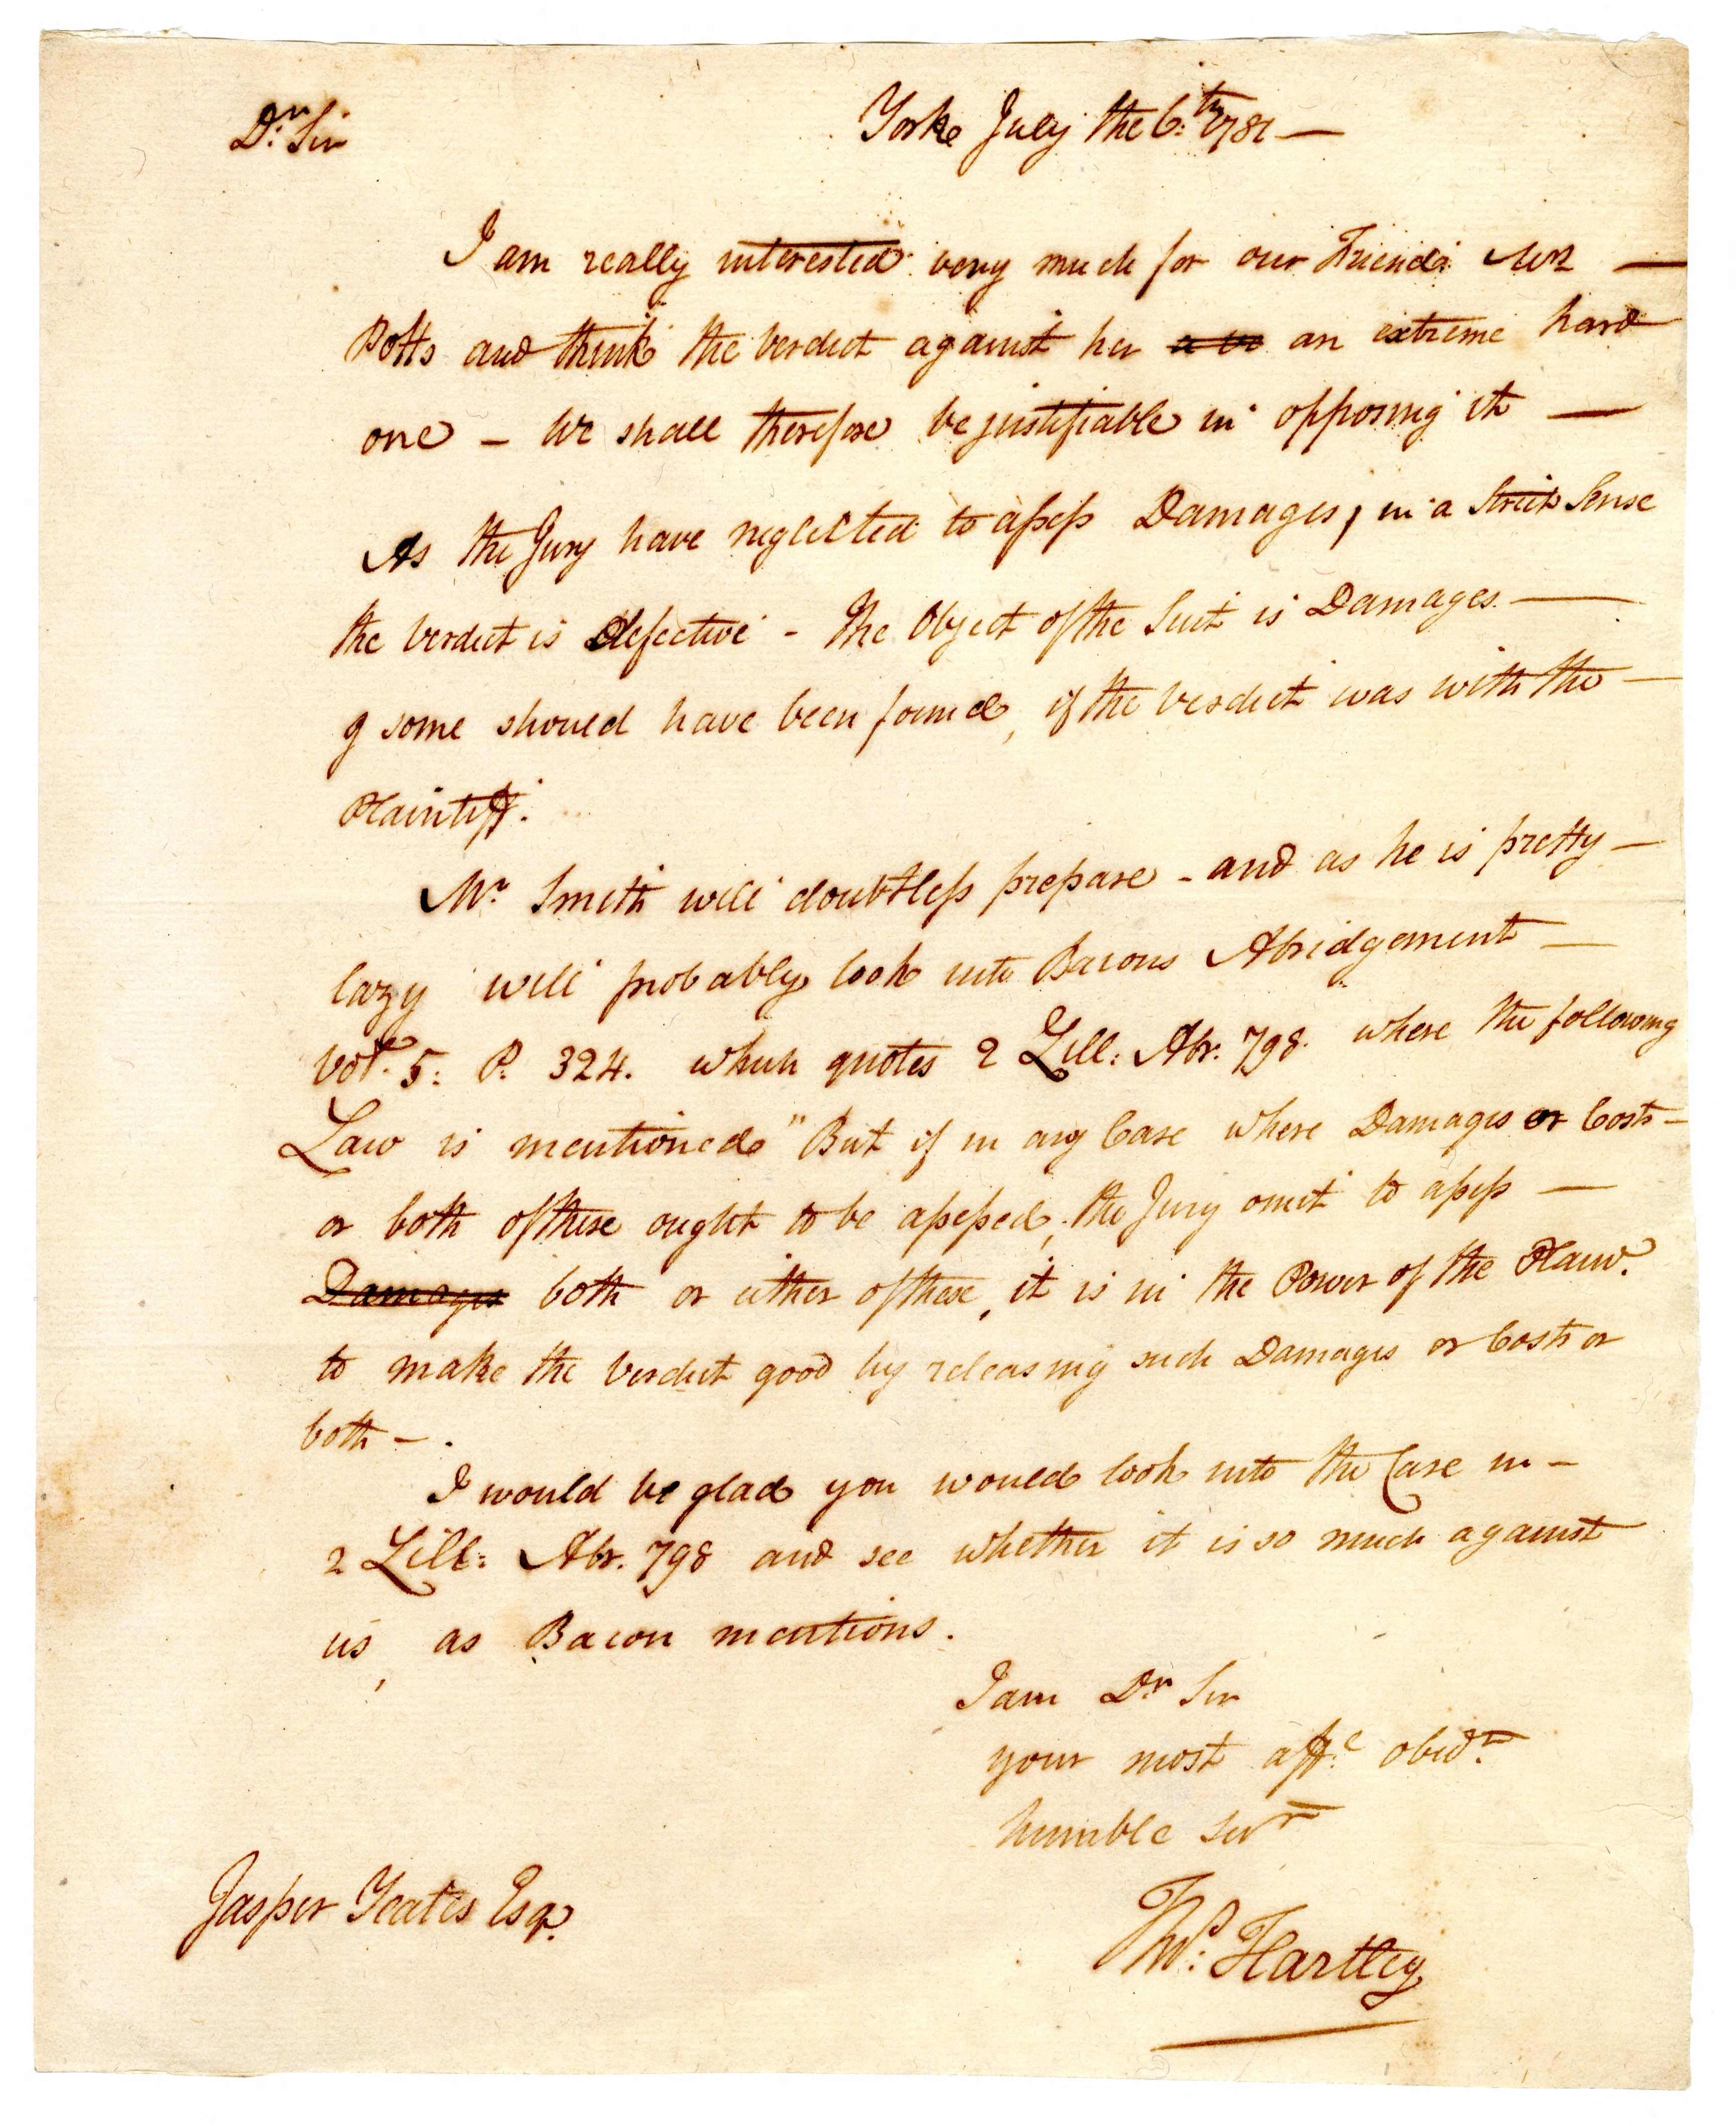Yorke July the 6^th. 1781
D^r. Sir
I am really interested very much for our Friend M^rs
Potts and think the verdict against her a wo an extreme hard
one. We shall therefore be justifiable in opposing it
As the Jury have neglected to assess Damages, in a Strict Sense
the verdict is defective. The Object of the Suit is Damages
& some should have been formd if the verdict was with the
Plaintiff.
M^r. Smith will doubtless prepare, and as he is pretty
lazy will probably look into Bacons Abridgement
Vol. 5. P. 324. which quotes 2 Lill. Abr. 798. where the following
Law is mentioned "But if in any Case where Damages or Costs
or both of these ought to be assessed. the Jury omit to assess
Damages both or either of these it is in the Power of the Plaw^e.
to make the verdict good by releasing such Damages or Costs or
both.
I would be glad you would look into the Case in
2 Lill. Abr. 798 and see whether it is so much against
us as Bacon mentions.
I am D^r. Sir
your most aff^e. obed^t.
humble Ser^t
Tho^s: Hartley
Jasper Yeates Esq.